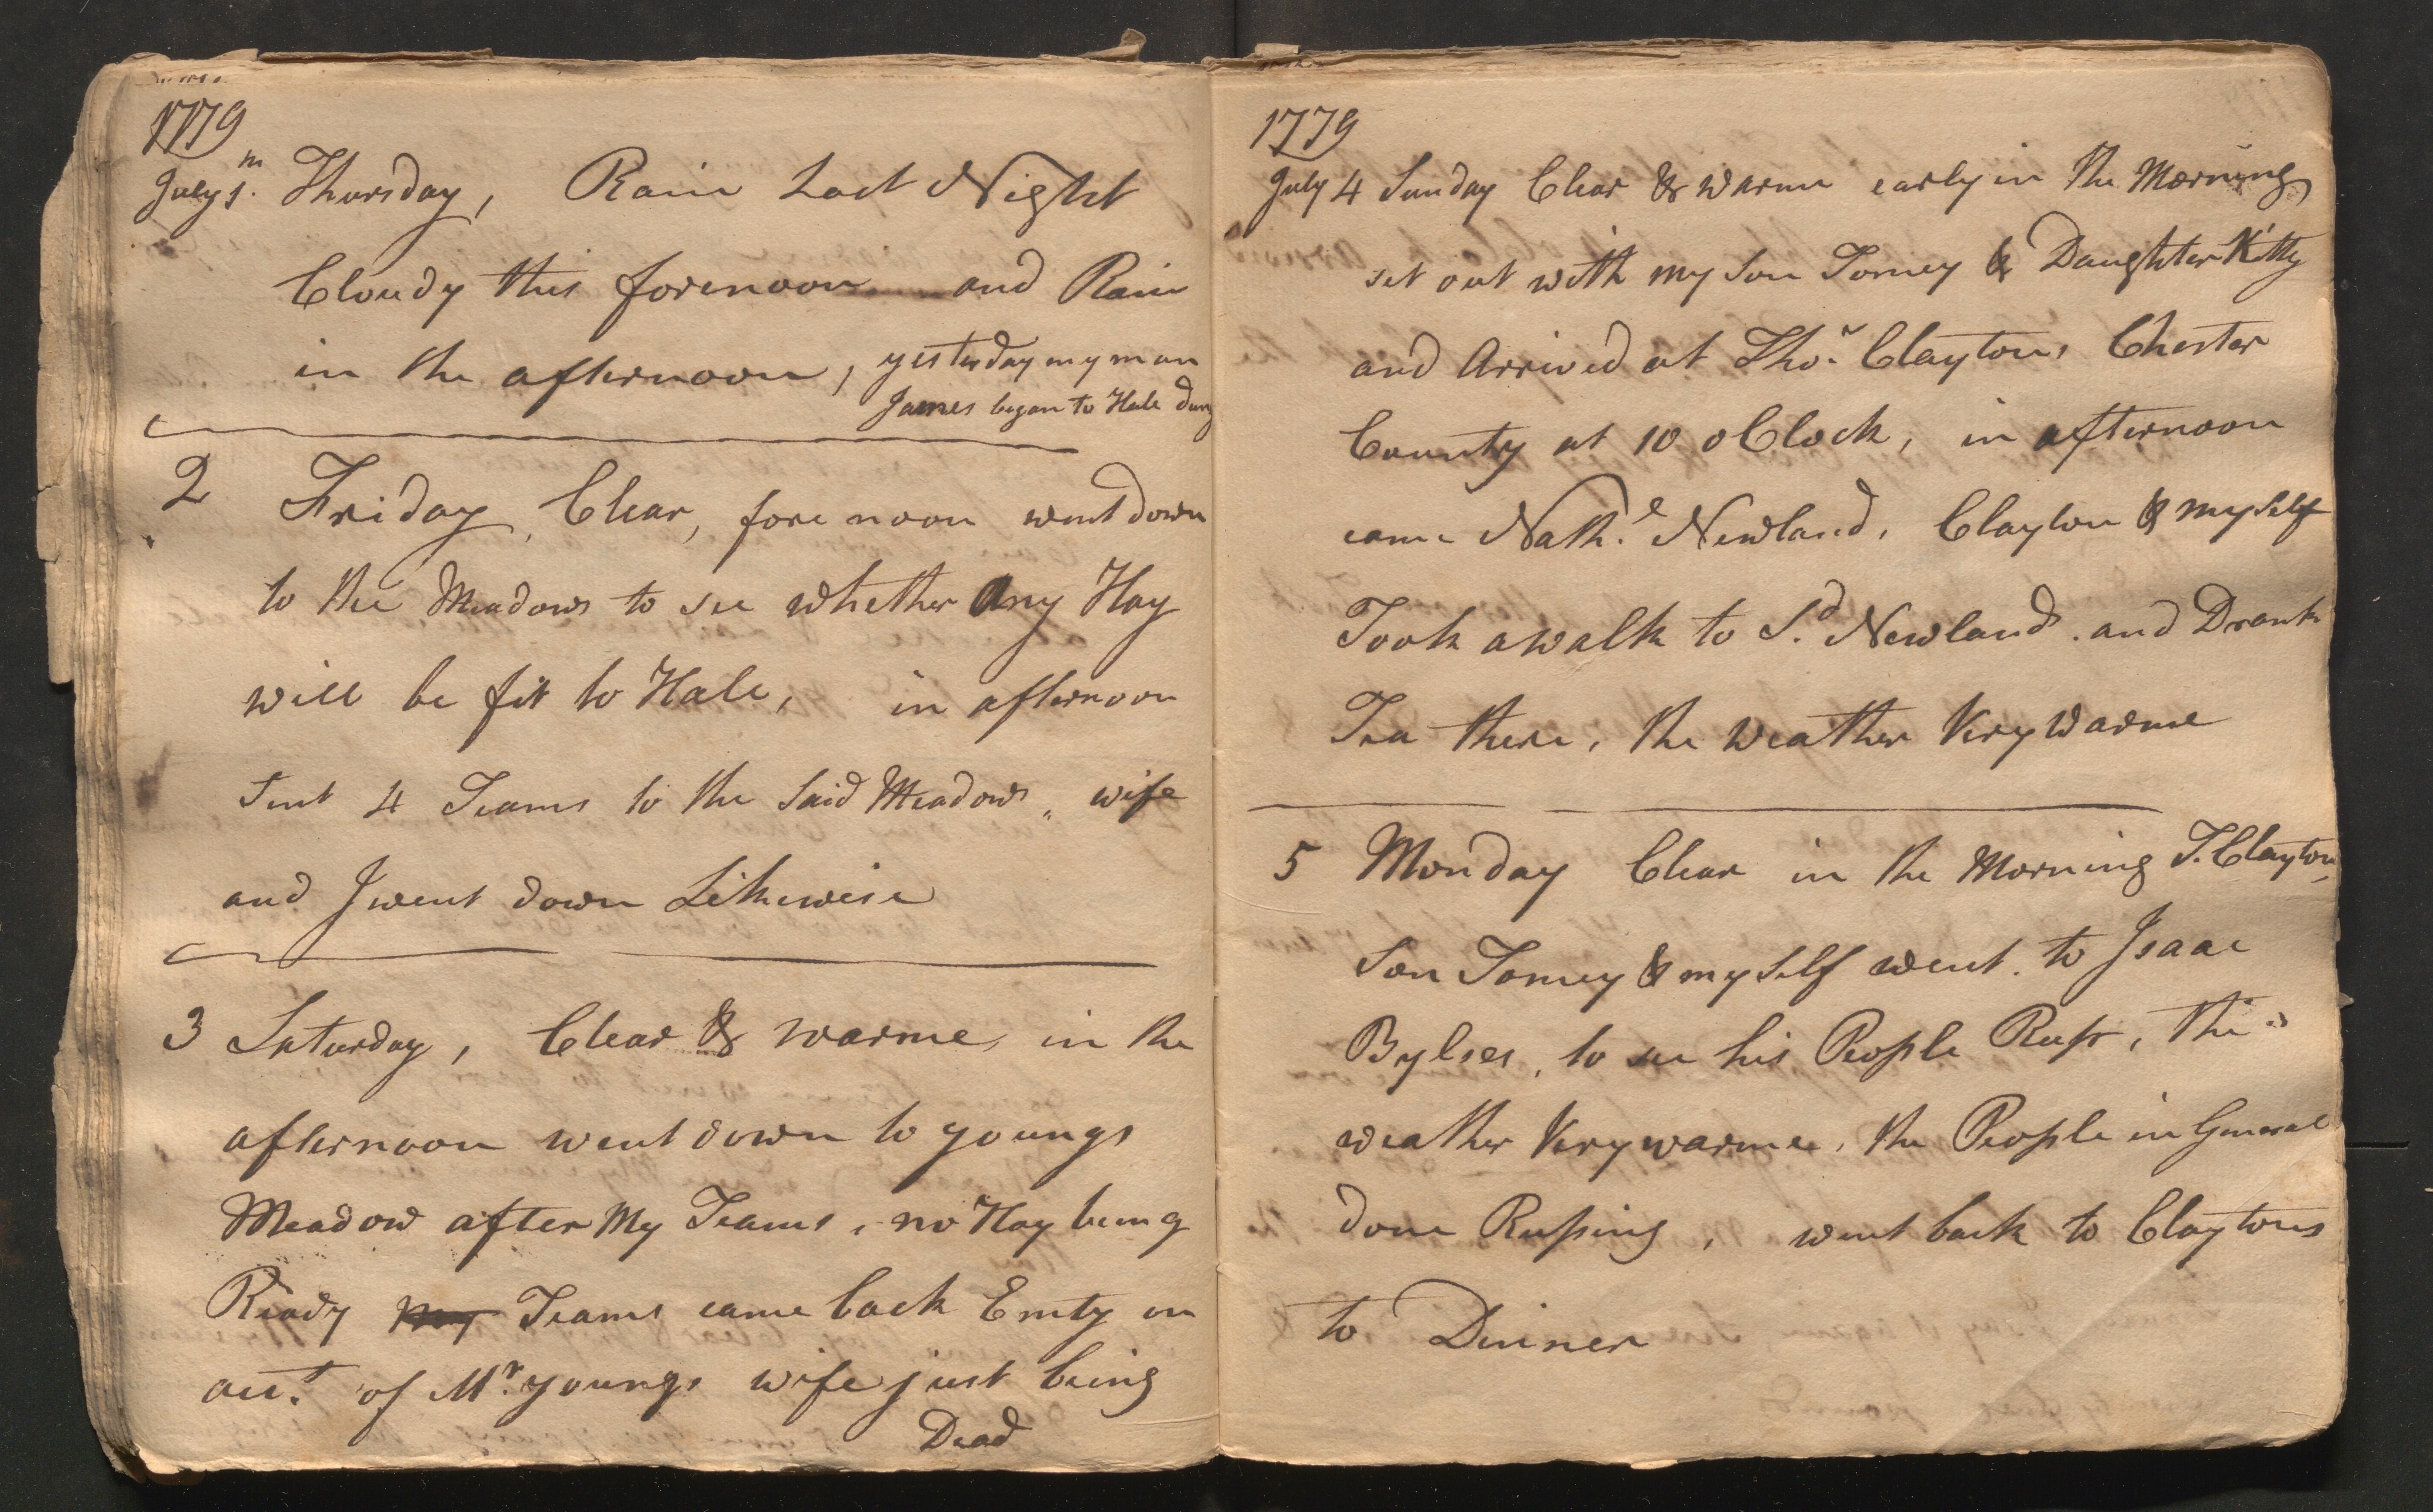1779
July1^th. Thursday, Rain Last Night
Cloudy this forenoon and Rain
in the afternoon, yesterday my man
James began to Hale dung
2 Friday Clear forenoon went down
to the Meadows to see whether any Hay
will be fit to Hale, in afternoon
sent 4 Teams to the Said Meadow, wife
and I went down Likewise
3 Saturday, Clear & warme, in the
afternoon went down to youngs
Meadow after My Teams, no Hay being
Ready [my] Teams came back Emty in
acc^t. of M^r. youngs wife just being
Dead
1779
July 4 Sunday Clear & warme early in the Morning
set out with my Son Tomey & Daughter Kitty
and Arrived at Tho^s. Clayton, Chester
County at 10 oClock, in afternoon
came Nath^l. Newland. Clayton & myself
Took a walk to S^d. Newland and Drank
Tea there, the weather Very Warme
5 Monday Clear in the Morning J. Clayton
Son Tomey & myself went to Isaac
Bylies to see his People Reep, the
weather Very warme. the People in Genaral
done Reeping, went back to Claytors
to Dinner